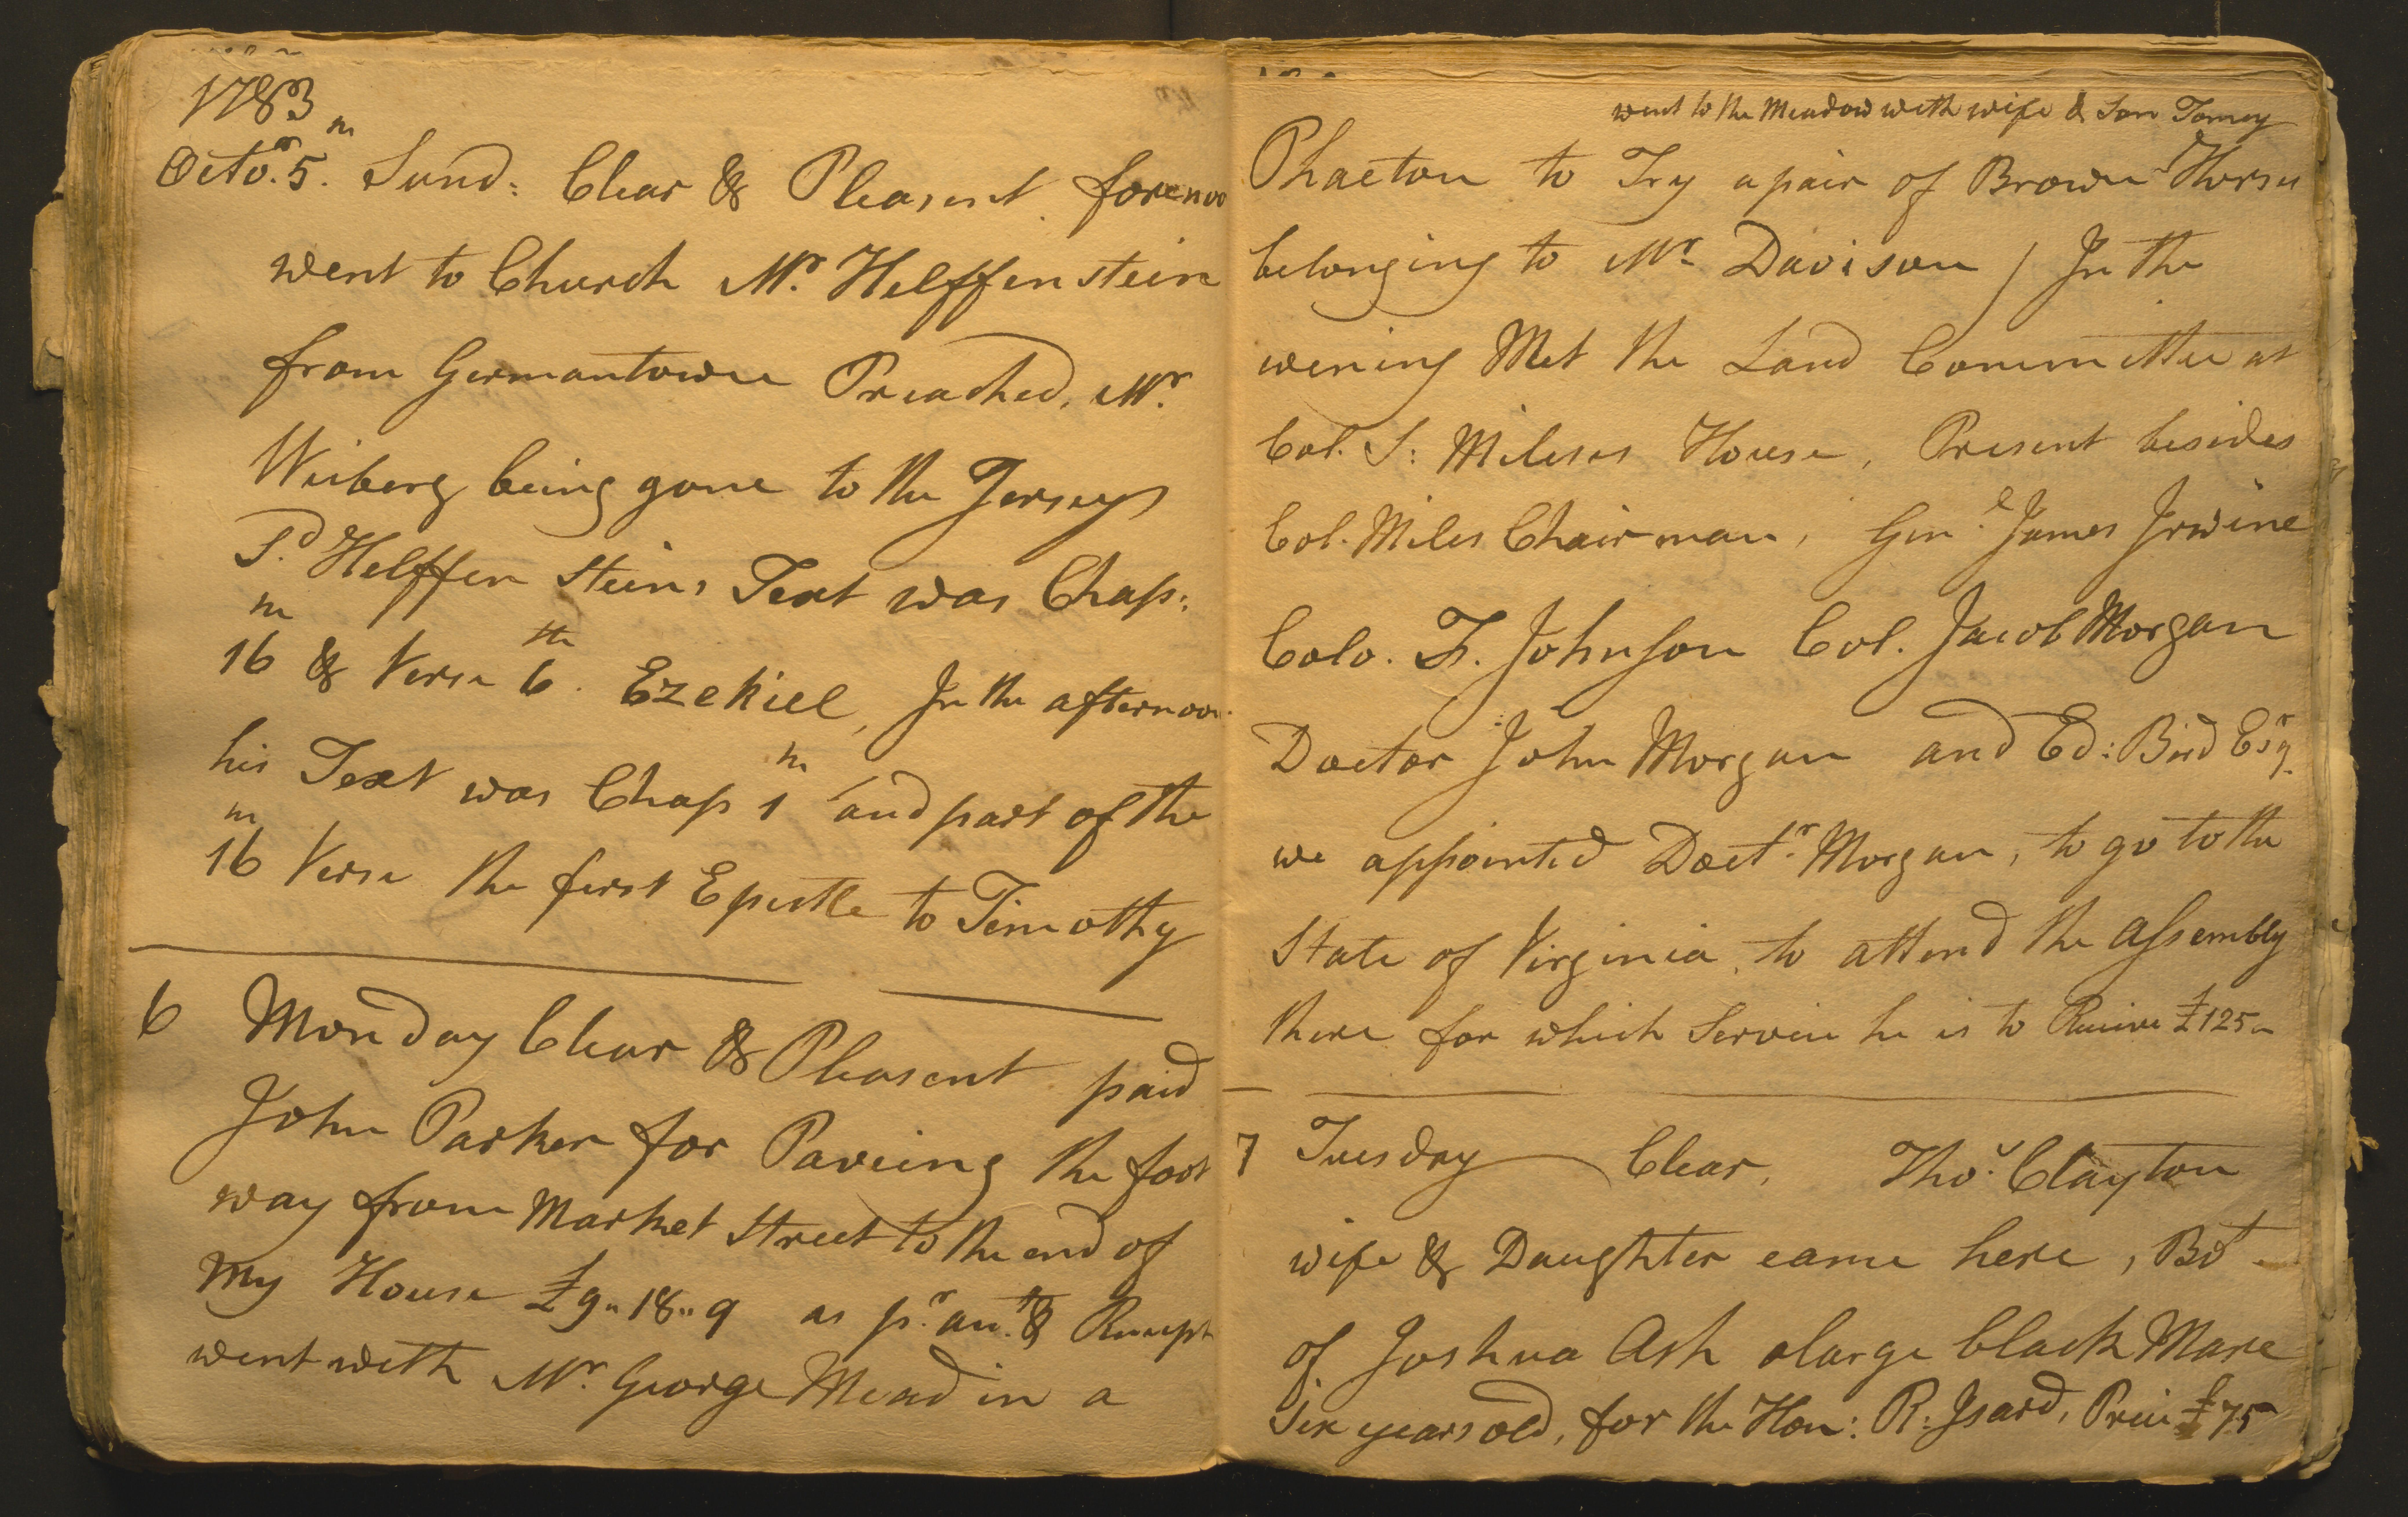1783
Octo^r. 5^th. Sund: Clear & Pleasent forenoon
went to Church M^r. Helffenstein
from Germantown Preached, M^r
Weiberg being gone to the Jerseys
s^d. Helffen Steins Text was Chap:
16^th & Verse 6^th. Ezekiel, In the afternoon
his Text was Chap 1^th and part of the
16^th Verse the first Epistle to Timothy
6 Monday Clear & Pleasent paid
John Parker for Paveing the foot
way from Market Street to the end of
My House £9.18.9 as p^r. acc^t. & Receipt
went with M^r. George Mead in a
went to the Meadow with wife & son Tomey
Phaeton to Try a pair of Brown Horses
belonging to M^r. Davison / In the
evening Met the Land Committee at
Col. S:. Mileses House Present besides
Col. Miles Chairman, Gen^l. James Irwine
Colo. F. Johnson Col. Jacob Morgan
Doctor John Morgan, and Ed: Bird Esq^r.
we appointed Doct^r. Morgan, to go to the
State of Virginia to attend the Assembly
there, for which service he is to Ruceive £125-
7 Tuesday Clear Tho^s. Clayton
wife & Daughter came here, Bo^t
of Joshua Ash a large black Mare
six years old. for the Hon: R: Isard. Price £7.5